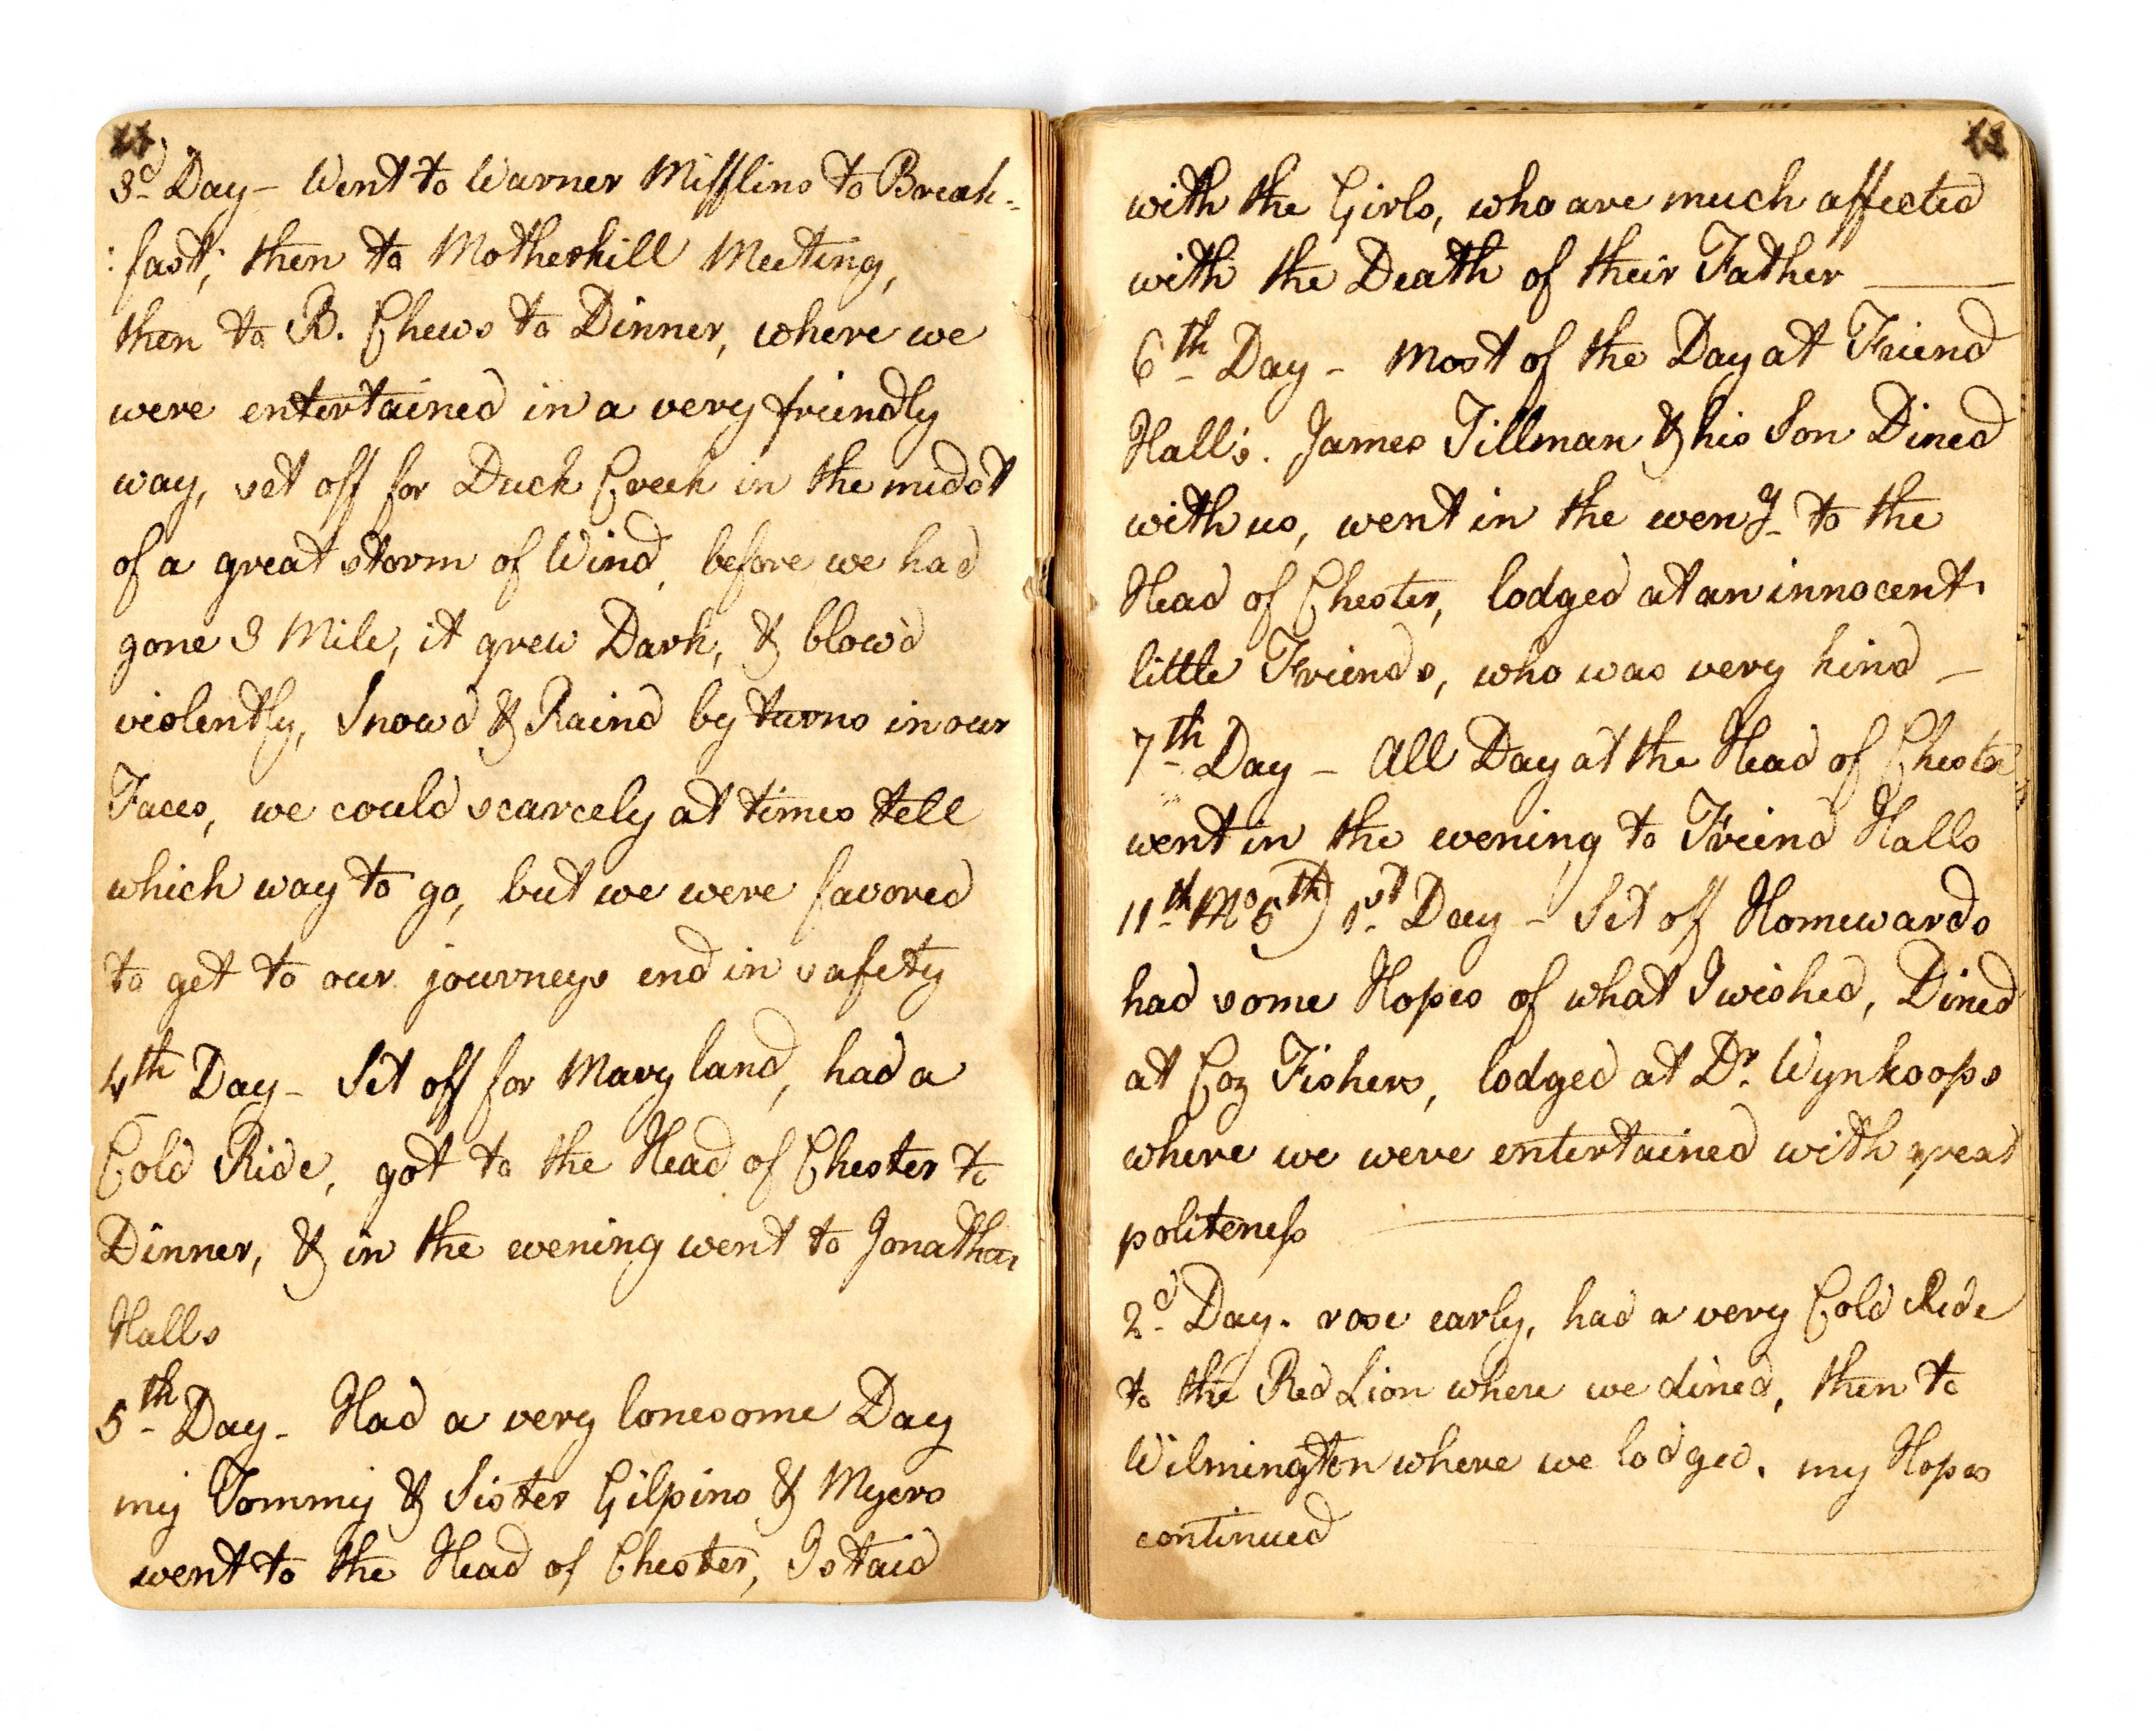3^d Day- Went to Warner Mifflins to Break-
-fast, then to Mothershill Meeting,
then to B. Chews to Dinner, where we
were entertained in a very friendly
way, set off for Duck Creek in the midst
of a great storm of Wind, before we had
gone 3 Mile, it grew Dark, & blow'd
violently, Snowd & Raind by turns in our
Faces, we could scarcely at times tell
which way to go, but we were favored
to get to our journeys end in a safety
4^th Day- Set off for Maryland, had a
Cold Ride, got to the Head of Chester to
Dinner, & in the evening went to Jonathan
Halls
5^th Day- Had a very lonesome Day
my Tommy & Sister Gilpins & Myers
went to the Head of Chester, I staid
with the Girls, who are much affected
with the Death of their Father
6^th Day- most of the Day at Friend
Hall's. James Tillman & his Son Dined
with us, went in the even^g to the
Head of Chester, lodged at an innocent
little Friends, who was very kind-
7^th Day- All Day at the Head of Chester
went in the evening to Friend Halls
11^th M^o 5^th) 1^st Day- Set off Homewards
had some Hopes of what I wished, Dined
at Coz Fishers, lodged at D^r. Wynkoops
where we were entertained with great
politeness
2^d Day. rose early, had a very Cold Ride
to the Red Lion where we dined, then to
Wilmington where we lodged, my Hopes
continued